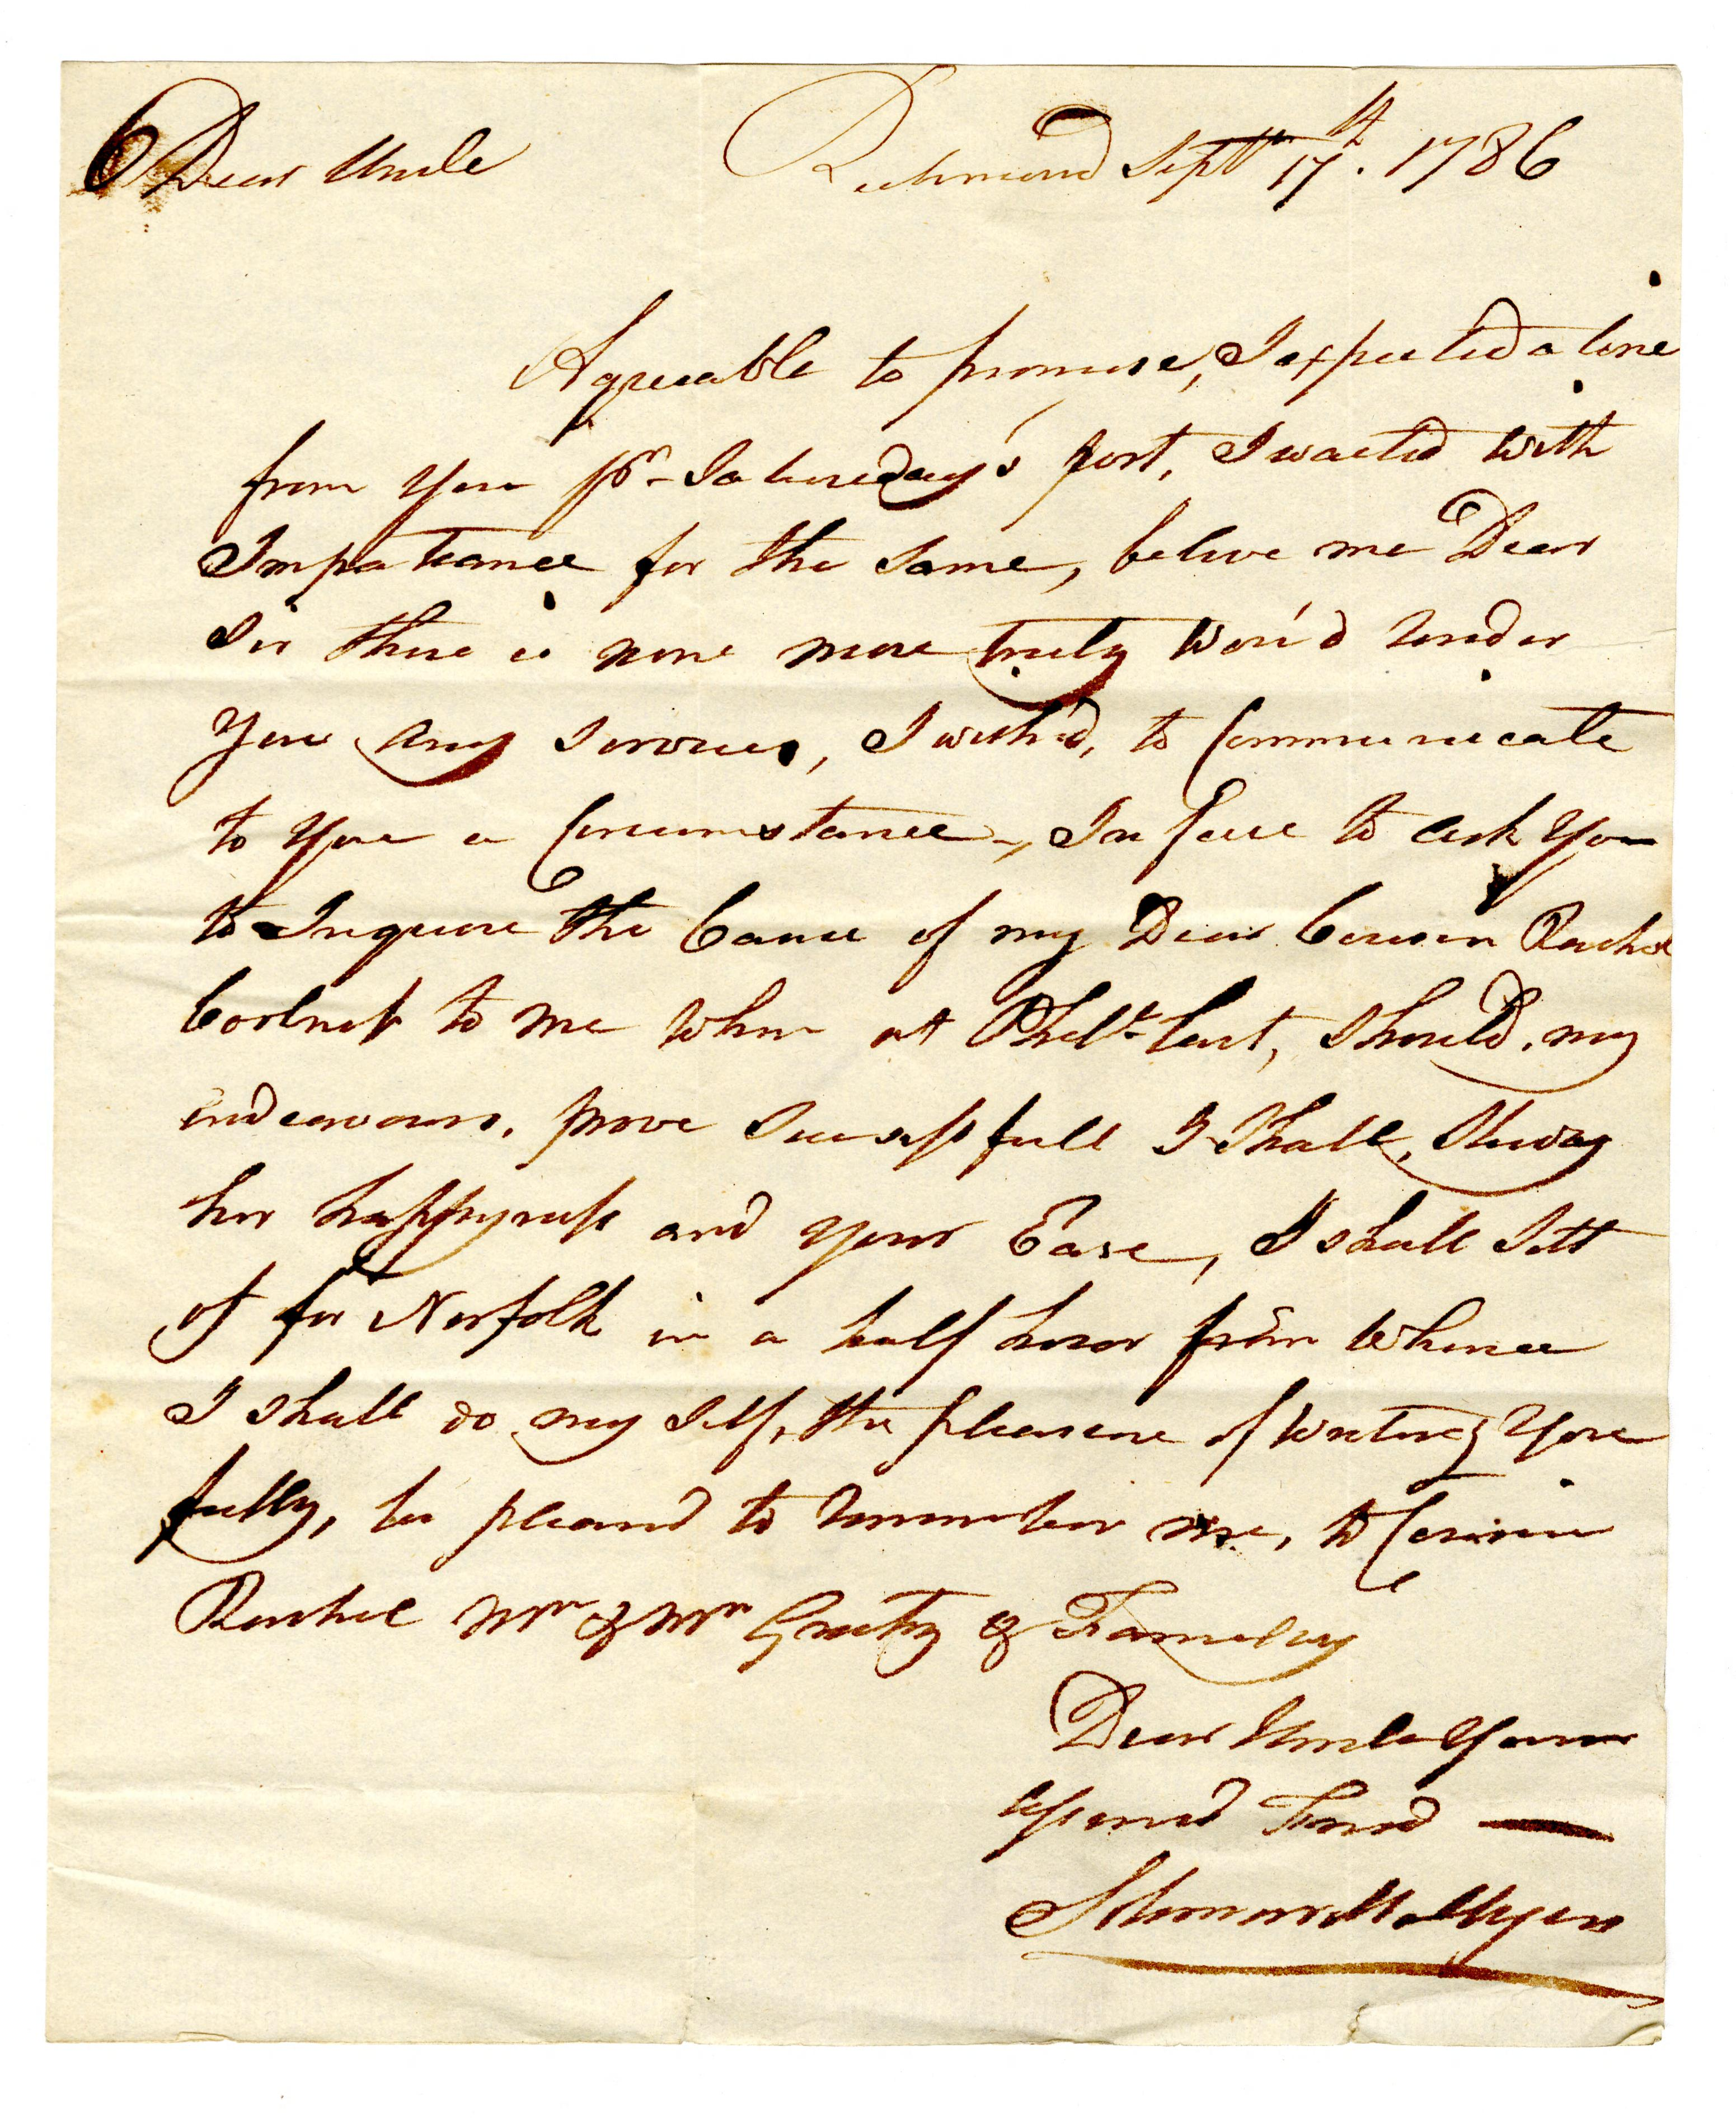Richmond Sept^r 17^th. 1786
Dear Uncle
Agreeable to promise, I expected a line
from you p^r. Ja hereday's port, I waited with
Impatiance for the same, believe me Dear
Sir there is none more truly wou'd render
you any services, I wish'd, to Communicate
to you a Circumstance-, In force to ask you
to Inquire the Cause of my Dear cousin Rachael
Cortnes to me when at Phil^a. but, should my
endeavors prove Successful I Shall, study
her happyness and your Ease, I shall sett
of for Norfolk in a half hour from Whence
I shall do my self, the pleasure of writing you
fully, be pleased to remember me, to Cosinne
Rachel M^r & M^rs Gratz & Family
Dear Uncle your
assured Friend
Solomon M Myers